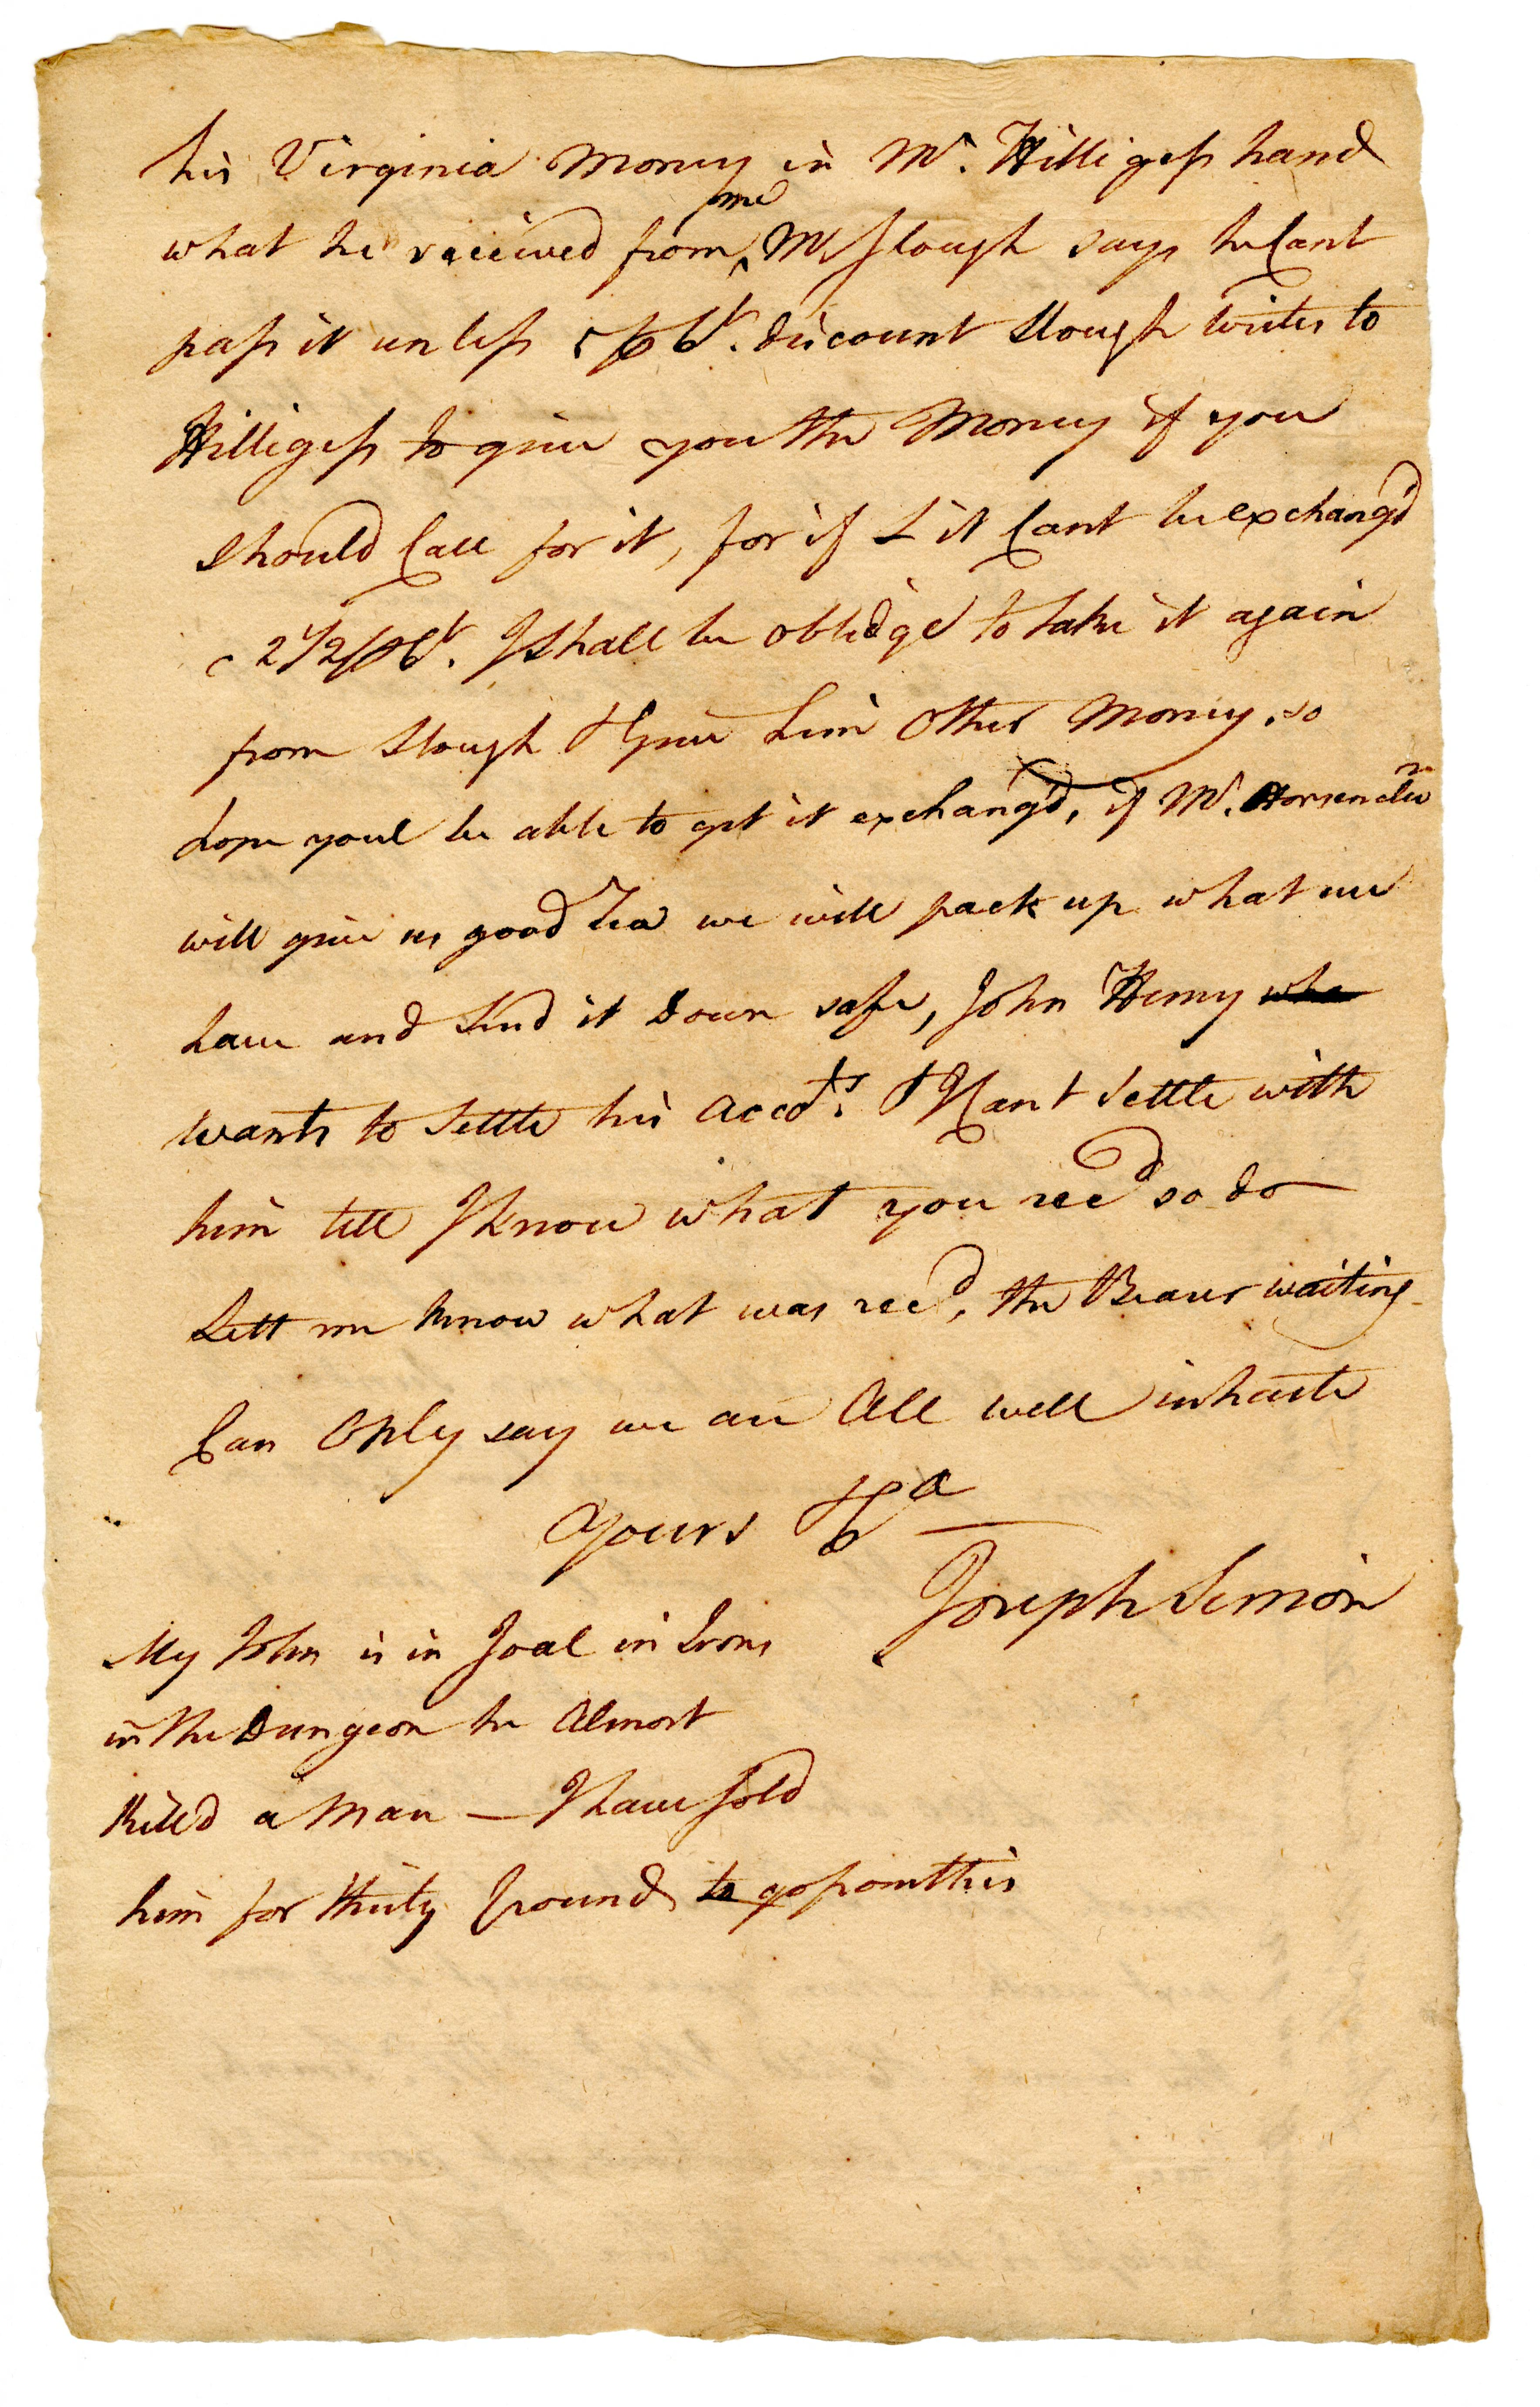his Virginia money in M^r. Hilligess hand
me
what he received from ^ M^r. Slough says he Cant
pass it unless 5 per 6 is count Slough writes to
Hilligess to give you the Money if you
should Call for it, for if & it Cant be exchang'd
@ 2s2 per 6 ^t. I shall be oblidge to take it again
from Slough & given him Other Money, so
hope youl be able to get it exchang'd, of M^r. Horsenclev^r
will give us good Tea we will pack up what we
have and send it Down safe, John Henry [who]
wants to Settle his acco^ts. & I Cant Settle with
him till I know what you rec^d so do
Lett me know what was rec^d, the Beaver waiting
Can Only say we are All well in health
yours &C^a-
Joseph Simon
My John is in goal in Arms
in the Dungeon he Almost
killed a man- I have sold
him for thirty pounds [to] go from this